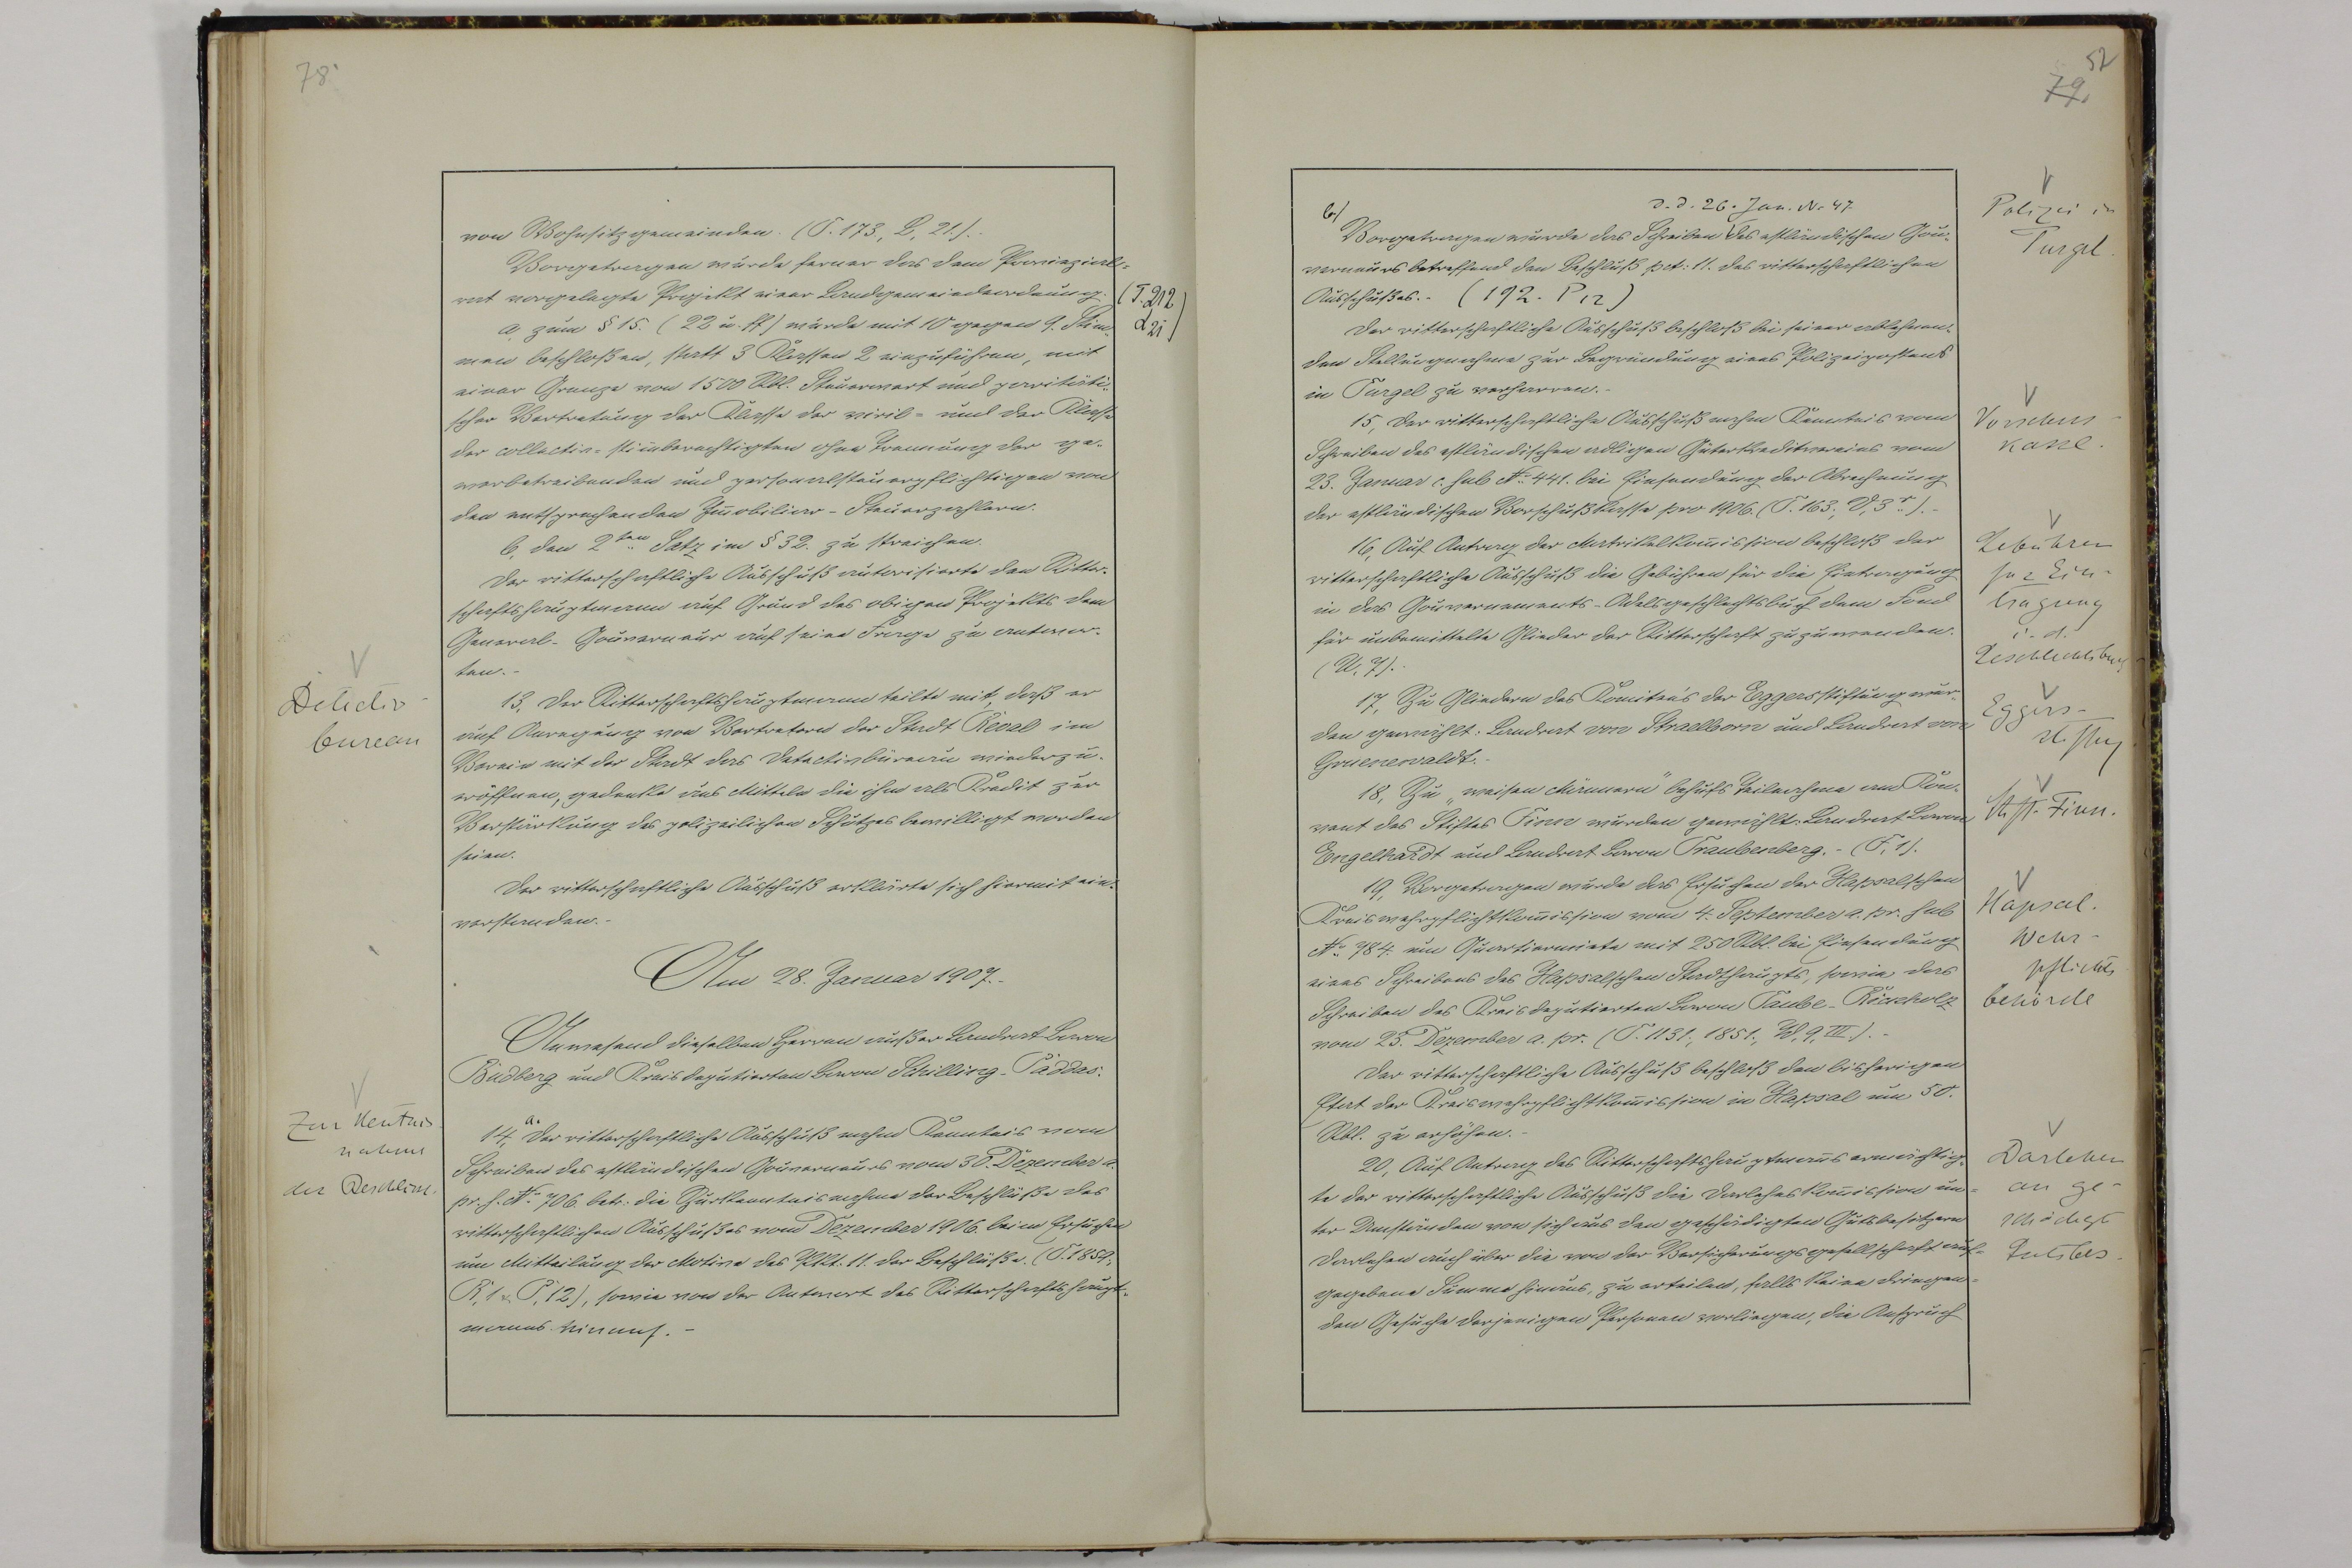Detectiv
bureau
Zur Kentnis
nahme
der Beschlüsse
von Wohnsitzgemeinden. (T.173; L.21).
Vorgetragen wurde ferner das dem Provinzial-
rat vorgelegte Projekt einer Landgemeindeordnung.
(T.212
L.21)
a. zum § 15 (22 u. ff.) wurde mit 10 gegen 9 Stim-
men beschloßen, statt 3 Klassen 2 einzuführen, mit
einer Grenze von 1500 Rbl. Steuerwert und paritäti-
scher Vertretung der Klasse der viril- und der Klasse
der collectiv-stimmberechtigten ohne Trennung der ge-
werbetreibenden und personalsteuerpflichtigen von
den entsprechenden Immobiliar-Steuerzahlern.
b. den 2ten Satz im § 32. zu streichen.
Der ritterschaftliche Ausschuß autorisierte den Ritter-
schaftshauptmann auf Grund des obigen Projekts dem
General-Gouverneur auf seine Frage zu antwor-
ten.
13. Der Ritterschaftshauptmann teilte mit, daß er
auf Anregung von Vertretern der Stadt Reval im
Verein mit der Stadt das Detectivbüreau wiederzu-
eröffnen, gedenke aus Mitteln die ihm als Kredit zur
Verstärkung des polizeilichen Schutzes bewilligt worden
seien.
Der ritterschaftliche Ausschuß erklärte sich hiermit ein-
verstanden.
Am 28. Januar 1907.
Anwesend dieselben Herren außer Landrat Baron
Budberg und Kreisdeputierten Baron Schilling-Paddas.
a.
14. Der ritterschaftliche Ausschuß nahm Kenntnis vom
Schreiben des estländischen Gouverneurs vom 30. Dezember a.
pr. s. No. 706. betr. die Zurkenntnisnahme der Beschlüße des
ritterschaftlichen Ausschußes vom Dezember 1906. beim Ersuchen
um Mitteilung der Motive des Pkt. 11. der Beschlüße. (T.1859;
R1. & P.12), sowie von der Antwort des Ritterschaftshaupt-
manns hierauf.
b.
d.d. 26. Jan. Nr. 47
Vorgetragen wurde das Schreiben des estländischen Gou-
verneurs betreffend den Beschluß pct. 11. des ritterschaftlichen
Ausschußes. (192. P12)
Der ritterschaftliche Ausschuß beschloß bei seiner ablehnen-
den Stellungnahme zur Begründung eines Polizeipostens
in Turgel zu verharren.
15. Der ritterschaftliche Ausschuß nahm Kenntnis vom
Schreiben des estländischen adligen Güterkreditvereins vom
23. Januar c. sub No. 441. bei Einsendung der Abrechnung
der estländischen Vorschußkasse pro 1906. (T.163; V.3r).
16. Auf Antrag der Matrikelkommission beschloß der
ritterschaftliche Ausschuß die Gebühren für die Eintragung
in das Gouvernements-Adelsgeschlechtsbuch dem Fond
für unbemittelte Glieder der Ritterschaft zuzuwenden.
(U.7).
17. Zu Gliedern des Komitees der Eggersstiftung wur-
den gewählt: Landrat von Straelborn und Landrat von
Gruenewaldt.
18. Zu „weisen Männern“ behufs Teilnahme am Kon-
vent des Stiftes Finn wurden gewählt: Landrat Baron
Engelhardt und Landrat Baron Traubenberg - (F.1).
19. Vorgetragen wurde das Ersuchen der Hapsalschen
Kreiswehrpflichtkommission vom 4. September a.pr. sub
No. 784. um Quartiermiete mit 250 Rbl. bei Einsendung
eines Schreibens des Hapsalschen Stadthaupts, sowie das
Schreiben des Kreisdeputierten Baron Taube-Rickholz
vom 23. Dezember a.pr. (T.1131., 1851., W.9. III).
Der ritterschaftliche Ausschuß beschloß den bisherigen
Etat der Kreiswehrpflichtkommission in Hapsal um 50.
Rbl. zu erhöhen.
20. Auf Antrag des Ritterschaftshauptmanns ermächtig-
te der ritterschaftliche Ausschuß die Darlehnskommission un-
ter Umständen von sich aus den geschädigten Gutsbesitzern
Darlehen auch über die von der Versicherungsgesellschaft auf-
gegebene Summe hinaus, zu erteilen, falls keine dringen-
den Gesuche derjenigen Personen vorliegen, die Anspruch
Polizei in
Turgel
Vorschuss
kasse
Gebühren
für Ein-
tragung
in d.
Geschlechtsbuch
Eggers-
stiftung
Stift Finn.
Hapsal.
Wehr
pflichts
behörde
Darlehen
an ge-
schädigt
Gutsbes